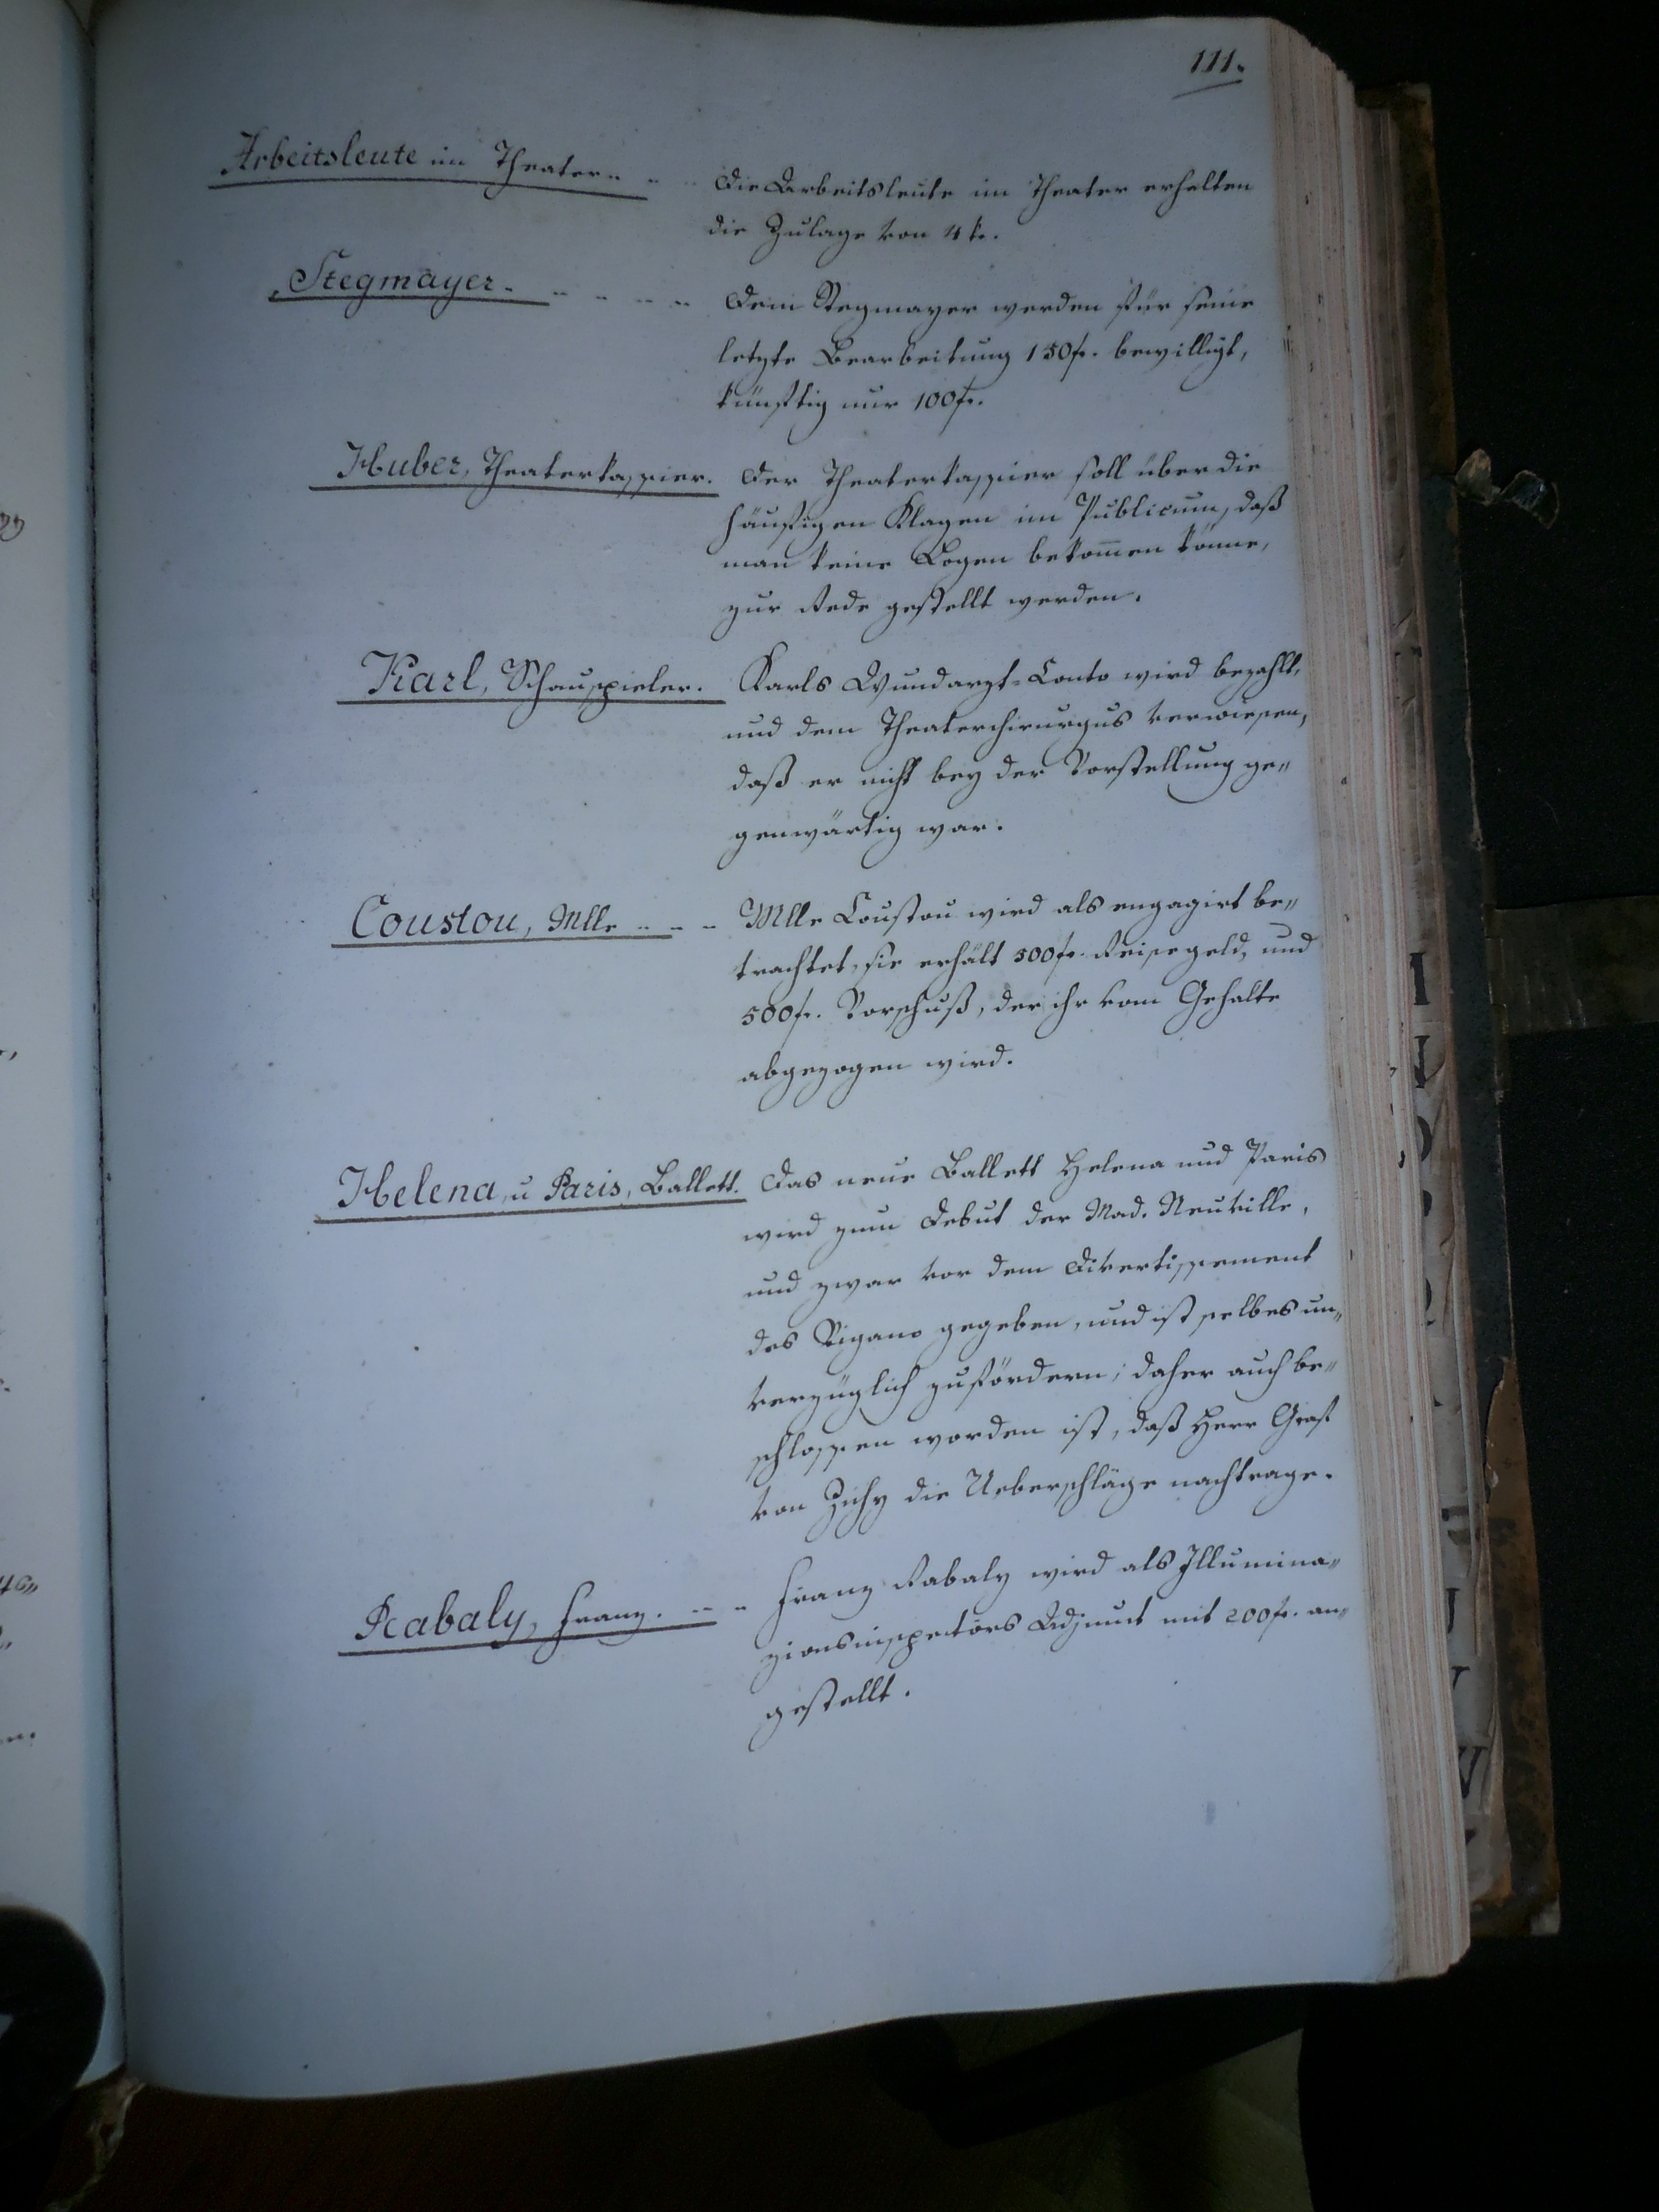111.
Arbeitsleute im Theater .. .. .. Die Arbeitsleute im Theater erhalten
die Zulage von 14kr.
Stegmayer. .. .. .. .. Dem Stegmayer werden für seine
letzte Bearbeitung 150fr. bewilligt,
künftig nur 100fr.
Huber, Theaterkassier. Der Theaterkassier soll über die
häufigen Klagen im Publicum, daß
man keine Logen bekom̅en könne,
zur Rede gestellt werden.
Karl, Schauspieler. Karls Wundarzt Conto wird bezahlt,
und dem Theaterchirurgus verwiesen,
daß er nicht bey der Vorstellung ge¬
genwärtig war.
Coustou, Mlle .. .. .. Mlle Coustou wird als engagirt be¬
trachtet, sie erhält 500fr. Reisegeld, und
500fr. Vorschuß, der ihr vom Gehalte
abgezogen wird.
Helena, u Paris, Ballett. Das neue Ballett Helena und Paris
wird zum Debut der Mad. Neuville,
und zwar vor dem Divertissement
des Vigano gegeben, und ist selbes un¬
verzüglich zufördern, daher auch be¬
schlossen worden ist, daß Herr Graf
von Zichy die Ueberschläge nachtrage.
Rabaly, Franz. .. .. Franz Rabaly wird als Illumina¬
zionsinspectors Adjunct mit 200fr. an¬
gestellt.